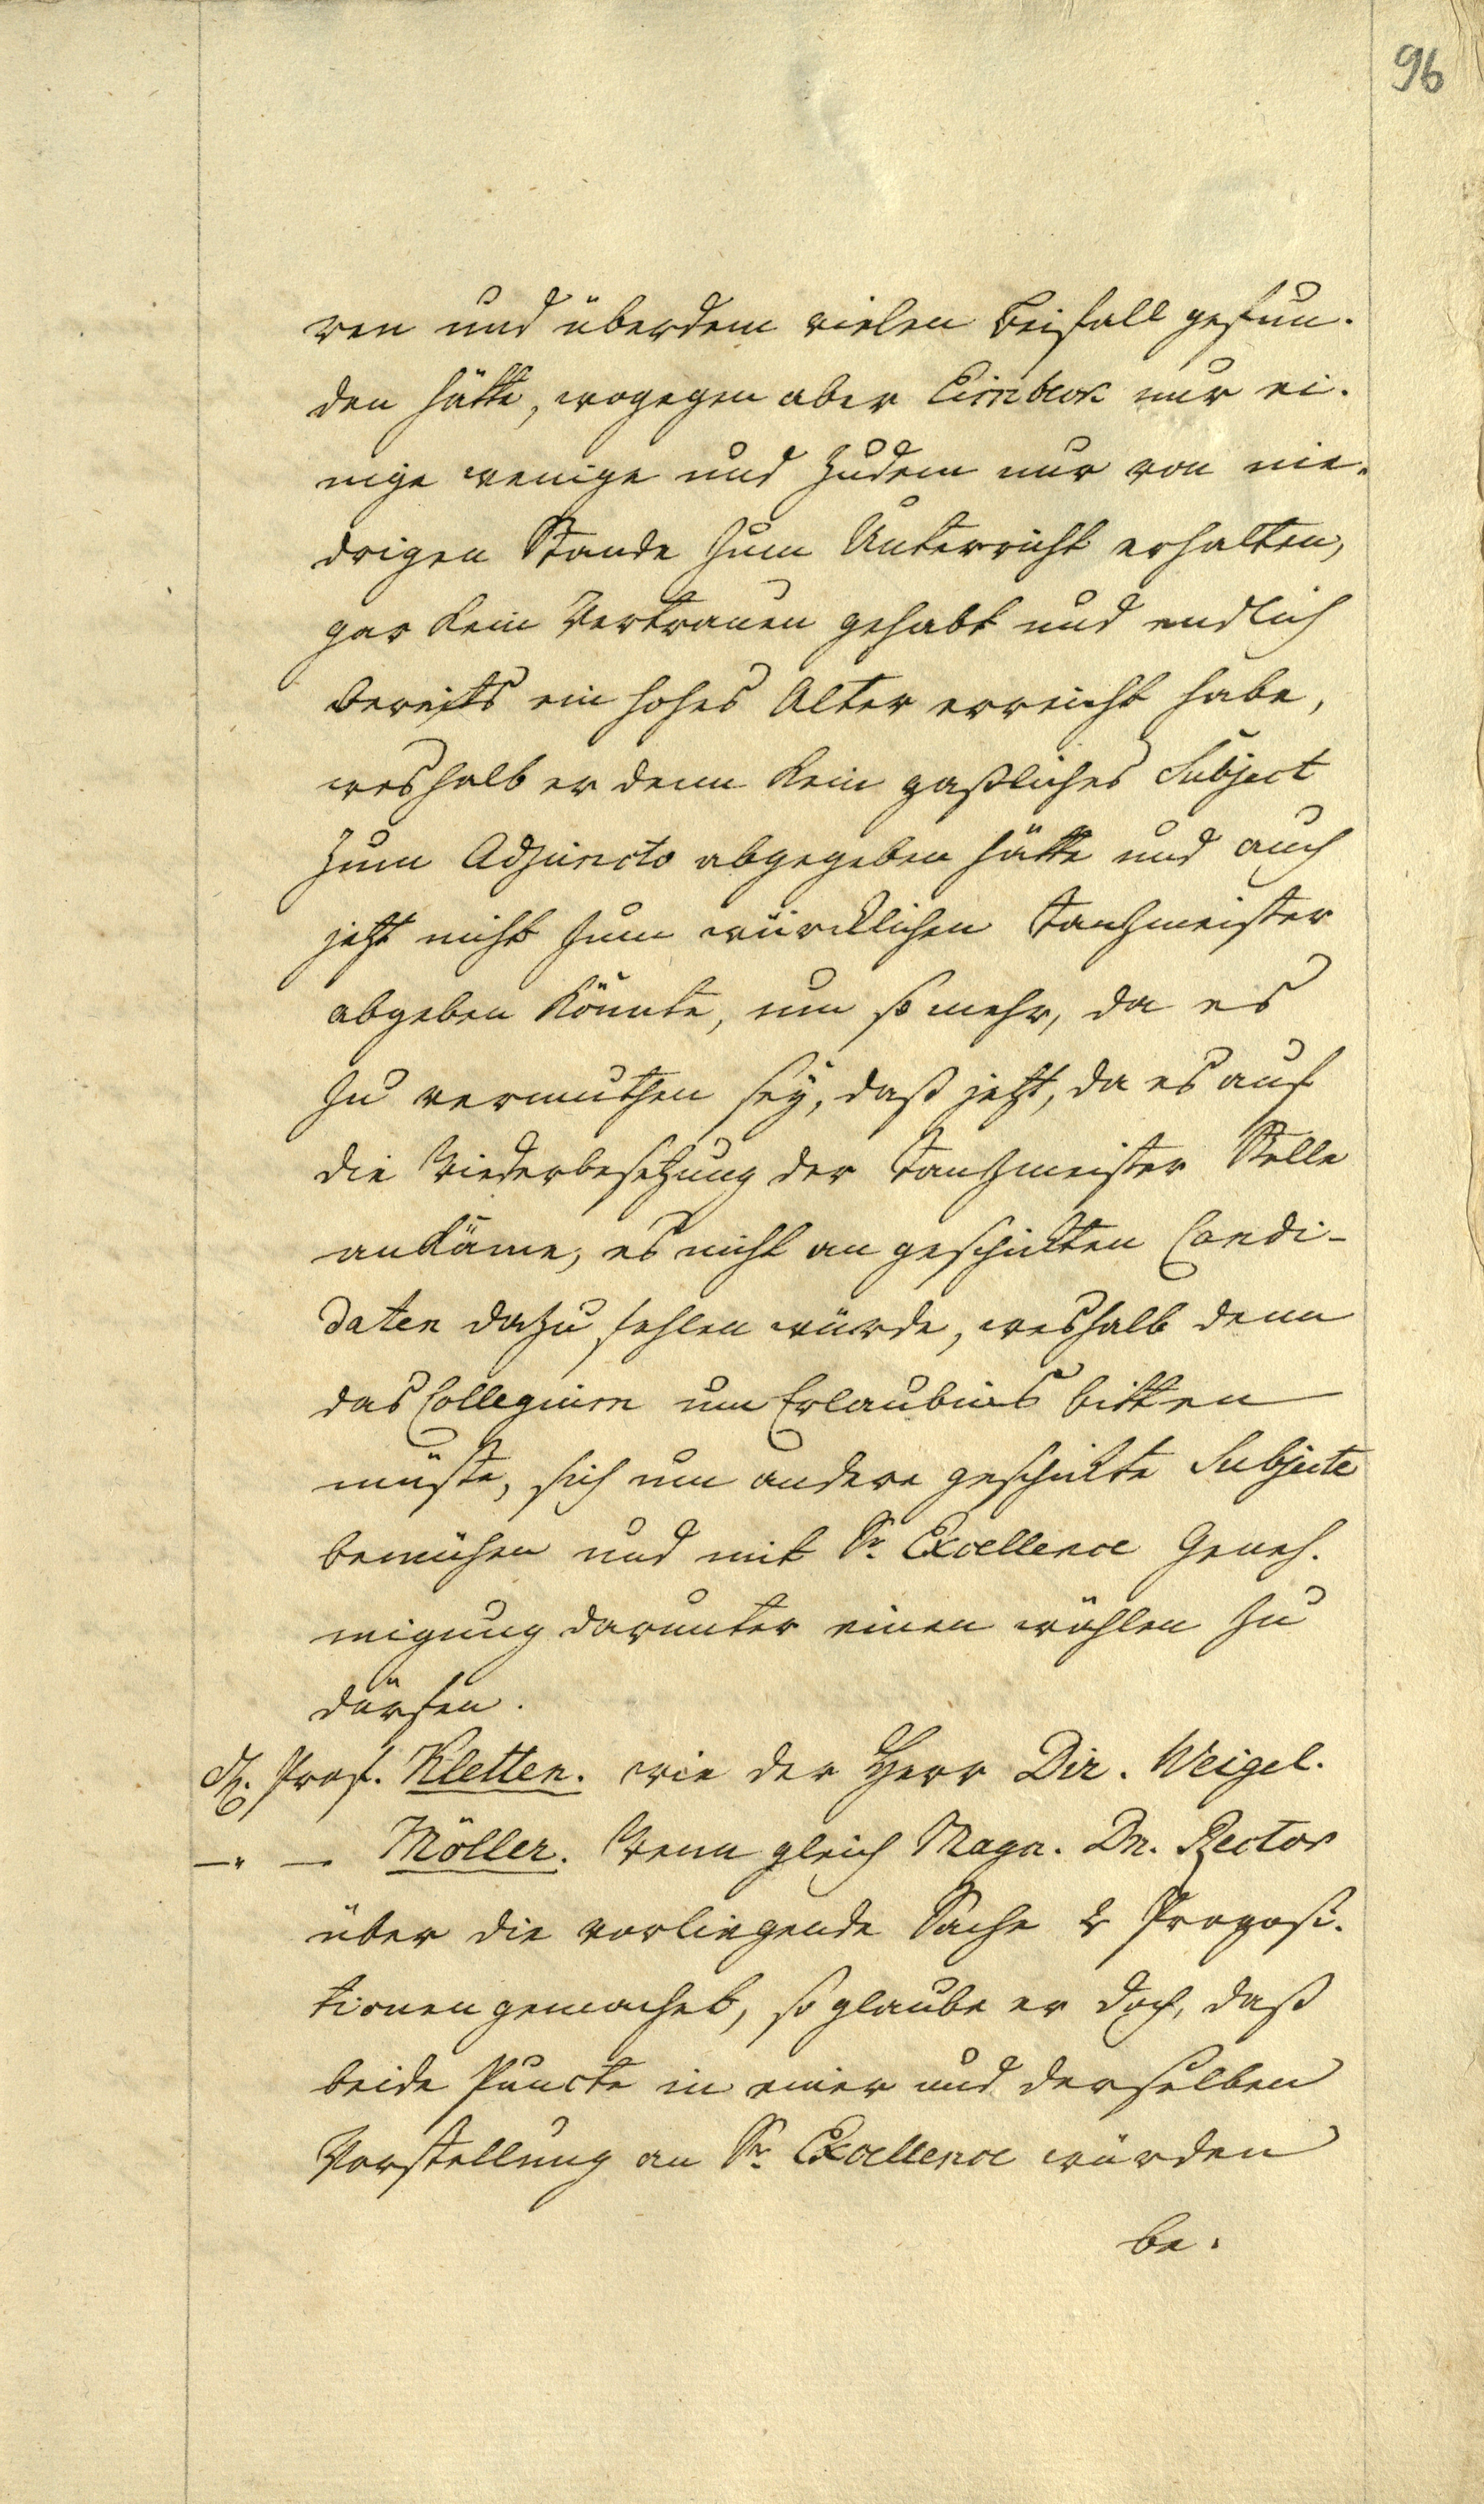ren und überdem vielen Beifall gefun¬
den hätte, wogegen aber Eimbeck nur ein¬
einige wenige und zudem nur von nie¬
drigen Stande zum Unterricht erhalten,
gar kein Vertrauen gehabt und endlich
bereits ein hohes Alter erreichet habe,
weshalb er denn kein paßliches Subject
zum Adjuncto abgegeben hätte und auch
jetzt nicht zum würcklichen Tanzmeister
abgeben könnte, um so mehr, da es
zu vermuthen seÿ, daß jetzt, da es auf
die Wiederbesetzung der Tanzmeister Stelle
ankäme, es nicht an geschickten Candi¬
daten dazu fehlen würde, weshalb denn
das Collegium um Erlaubnis bitten
müßte, sich um andere geschickte Subjecte
bemühen und mit Sr Excellence Geneh¬
migung darunter einen wählen zu
dürfen.
dh. Prof. Kletten. wie der Herr Dir. Weigel.
Möller. Wenn gleich Magn. Dn. Rector
über die vorliegende Sache 2 Proposi¬
tionen gemachet, so glaube er doch, daß
beide Puncte in einer und derselben
Vorstellung an Sr Excellence würden
be.